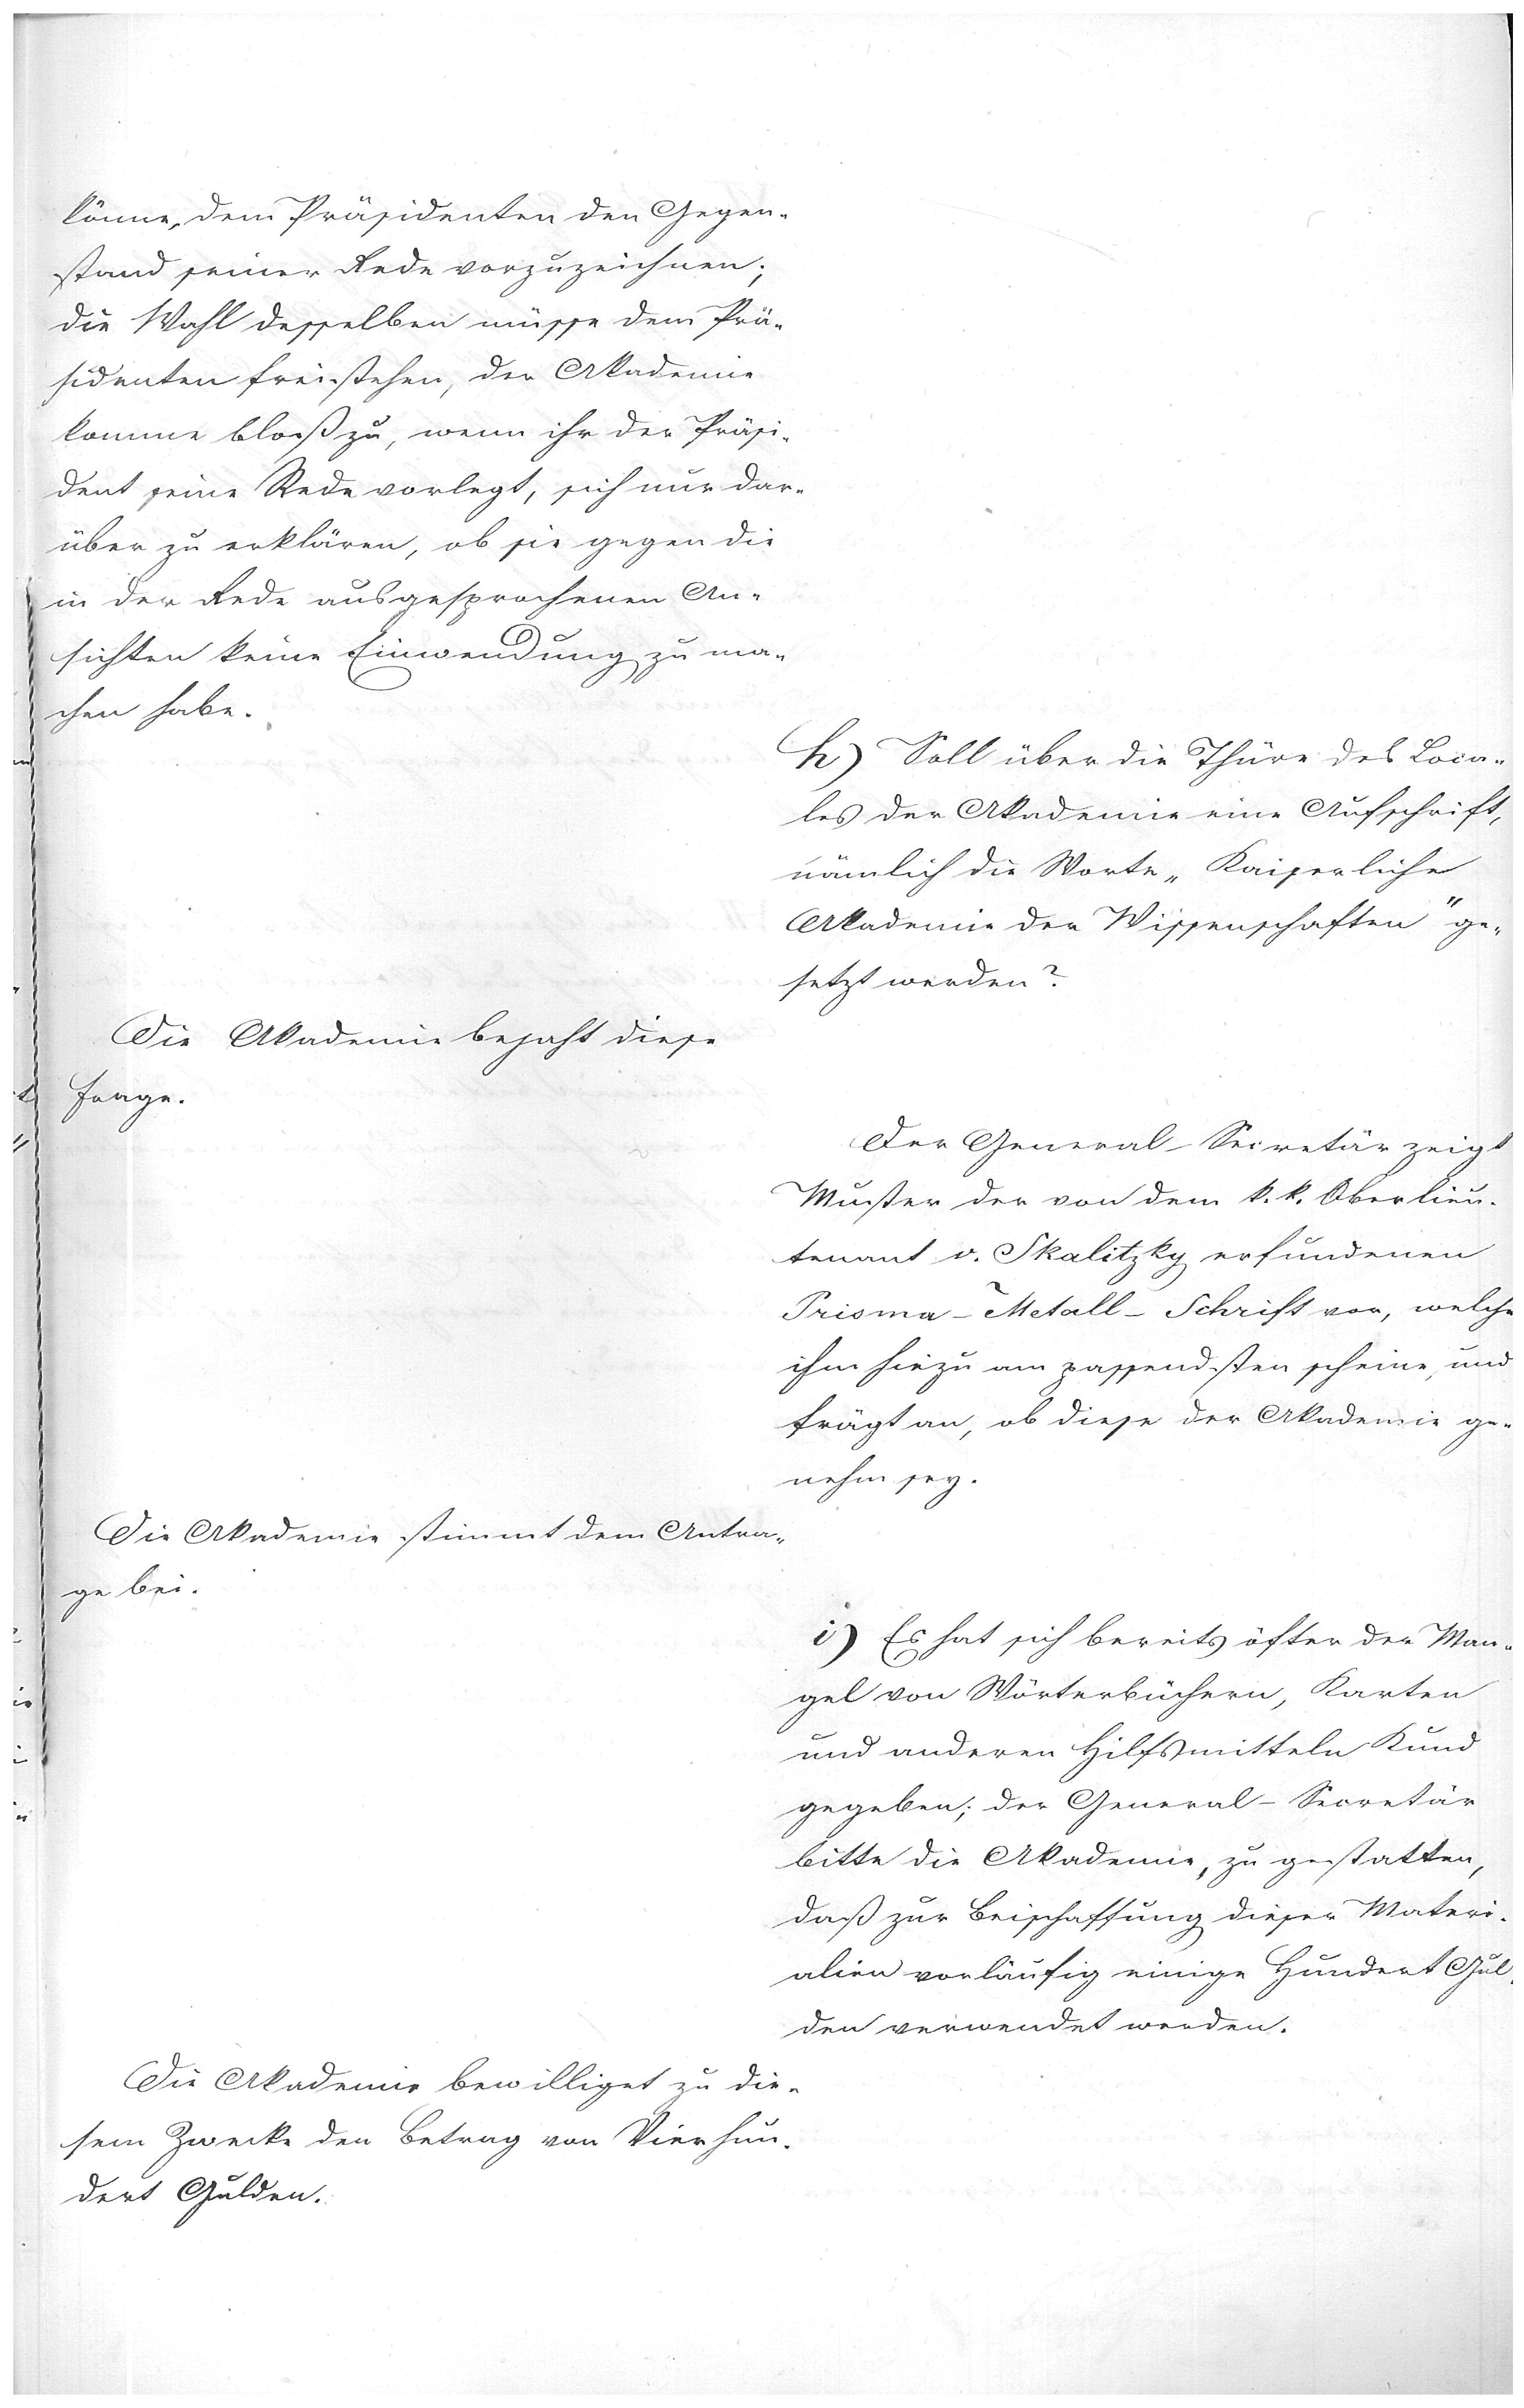könne, dem Präsidenten den Gegen-
stand seiner Rede vorzuzeichnen;
die Wahl desselben müsse dem Prä-
sidenten freistehen, der Akademie
komme bloß zu, wenn ihr der Präsi-
dent seine Rede vorlegt, sich nur dar-
über zu erklären, ob sie gegen die
in der Rede ausgesprochenen An-
Ansichten keine Einwendung zu ma-
chen habe.
h) Soll über die Thüre des Loca-
les der Akademie eine Aufschrift,
nämlich die Worte "Kaiserliche
Akademie der Wissenschaften" ge-
setzt werden?
Die Akademie bejaht diese
Frage.
Der General-Secretär zeigt
Muster der von dem k.k. Oberlieu-
tenant v. Skalitzky erfundenen
Prisma-Metall-Schrift vor, welche
ihm hiezu am passendsten scheine und
frägt an, ob diese der Akademie ge-
nahm sey.
Die Akademie stimmt dem Antra-
ge bei.
i) Es hat sich bereits öfter der Man-
gel von Wörterbüchern, Karten
und anderen Hilfsmittteln kund
gegeben; der General-Secretär
bitte die Akademie, zu gestatten,
daß zur Beischaffung dieser Materi-
alien vorläufig einige Hundert Gul-
den verwendet werden.
Die Akademie bewilliget ein die-
sem Zwecke den Betrag von Vierhun-
dert Gulden.